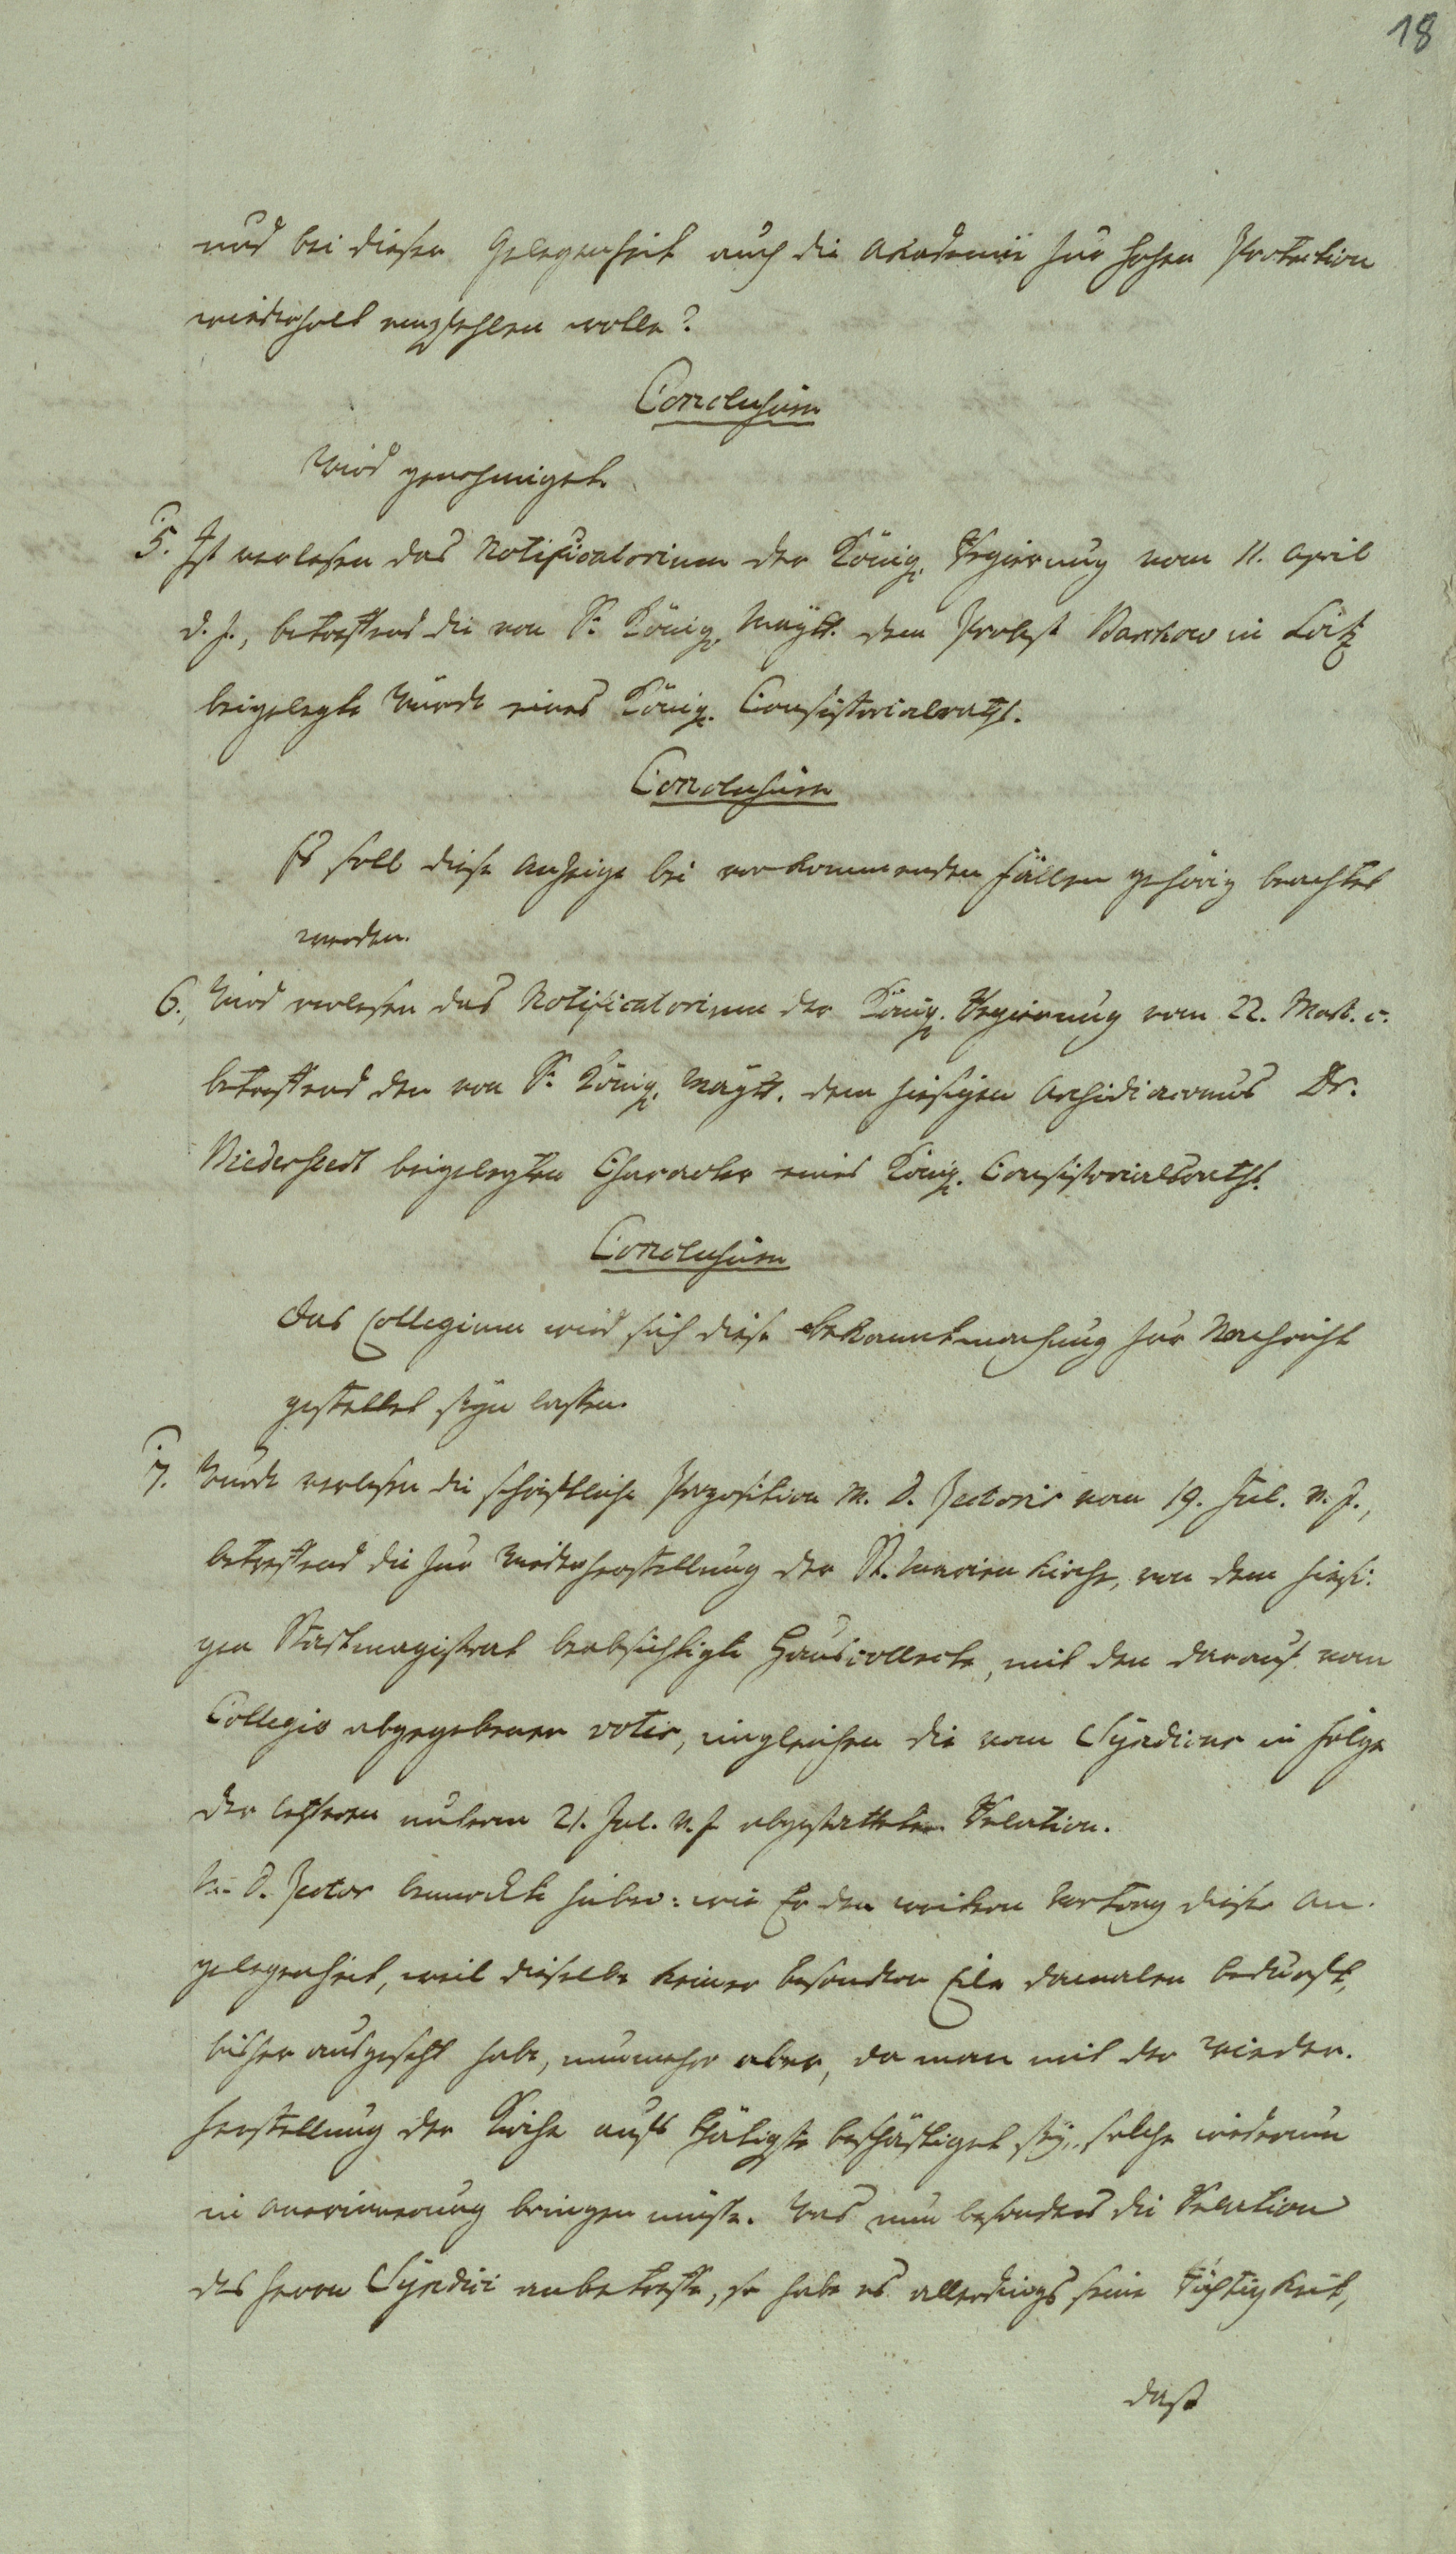und bei dieser Gelegenheit auch die Akademie zur hohen Protection
wiederholt empfehlen wolle?
Conclusum
Wird genehmiget.
5. Ist verlesen das Notificatorium der Königl. Regierung vom 11. April
d. J., betreffend die von Sr. Königl. Maÿtt. dem Probst Barckow in Loitz
beigelegte Würde eines Königl. Consistorialraths.
Conclusum
Es soll diese Anzeige bei vorkommenden Fällen gehörig beachtet
werden.
6. Wird verlesen das Notificatorium der Königl. Regierung vom 22. Mart. c.
betreffend den von Sr. Königl. Maÿtt. dem hiesigen Archidiaconus Dr.
Biederstedt beigelegten Charakter eines Königl. Consistorialraths.
Conclusum
Das Collegium wird sich diese Bekanntmachung zur Nachricht
gestellet seÿn lassen.
7. Wurde verlesen die schriftliche Proposition M. D. Rectoris vom 19. Jul. v. J.,
betreffend die zur Wiederherstellung der St. Marien Kirche, von dem hiesi¬
gen Stadtmagistrat beabsichtigte Hauscollecte, mit den darauf vom
Collegio abgegebenen votis, imgleichen die vom Sÿndicus in Folge
der letzteren unterm 21. Ju. v. J. abgestatteten Relation.
M. D. Rector bemerckte hiebei: wie Er den weitern Vortrag dieser An¬
gelegenheit, weil dieselbe keiner besondern Eile damalen bedurfte,
bisher ausgesetzt habe, nunmehro aber, da man mit der Wieder¬
herstellung der Kirche aufs thätigste beschäftiget seÿ, solche wiederum
in Anerinnerung bringen müsse.Was nun besonders die Reaction
des Herrn Sÿndici anbetreffe, so habe es allerings seine Richtigkeit,
daß